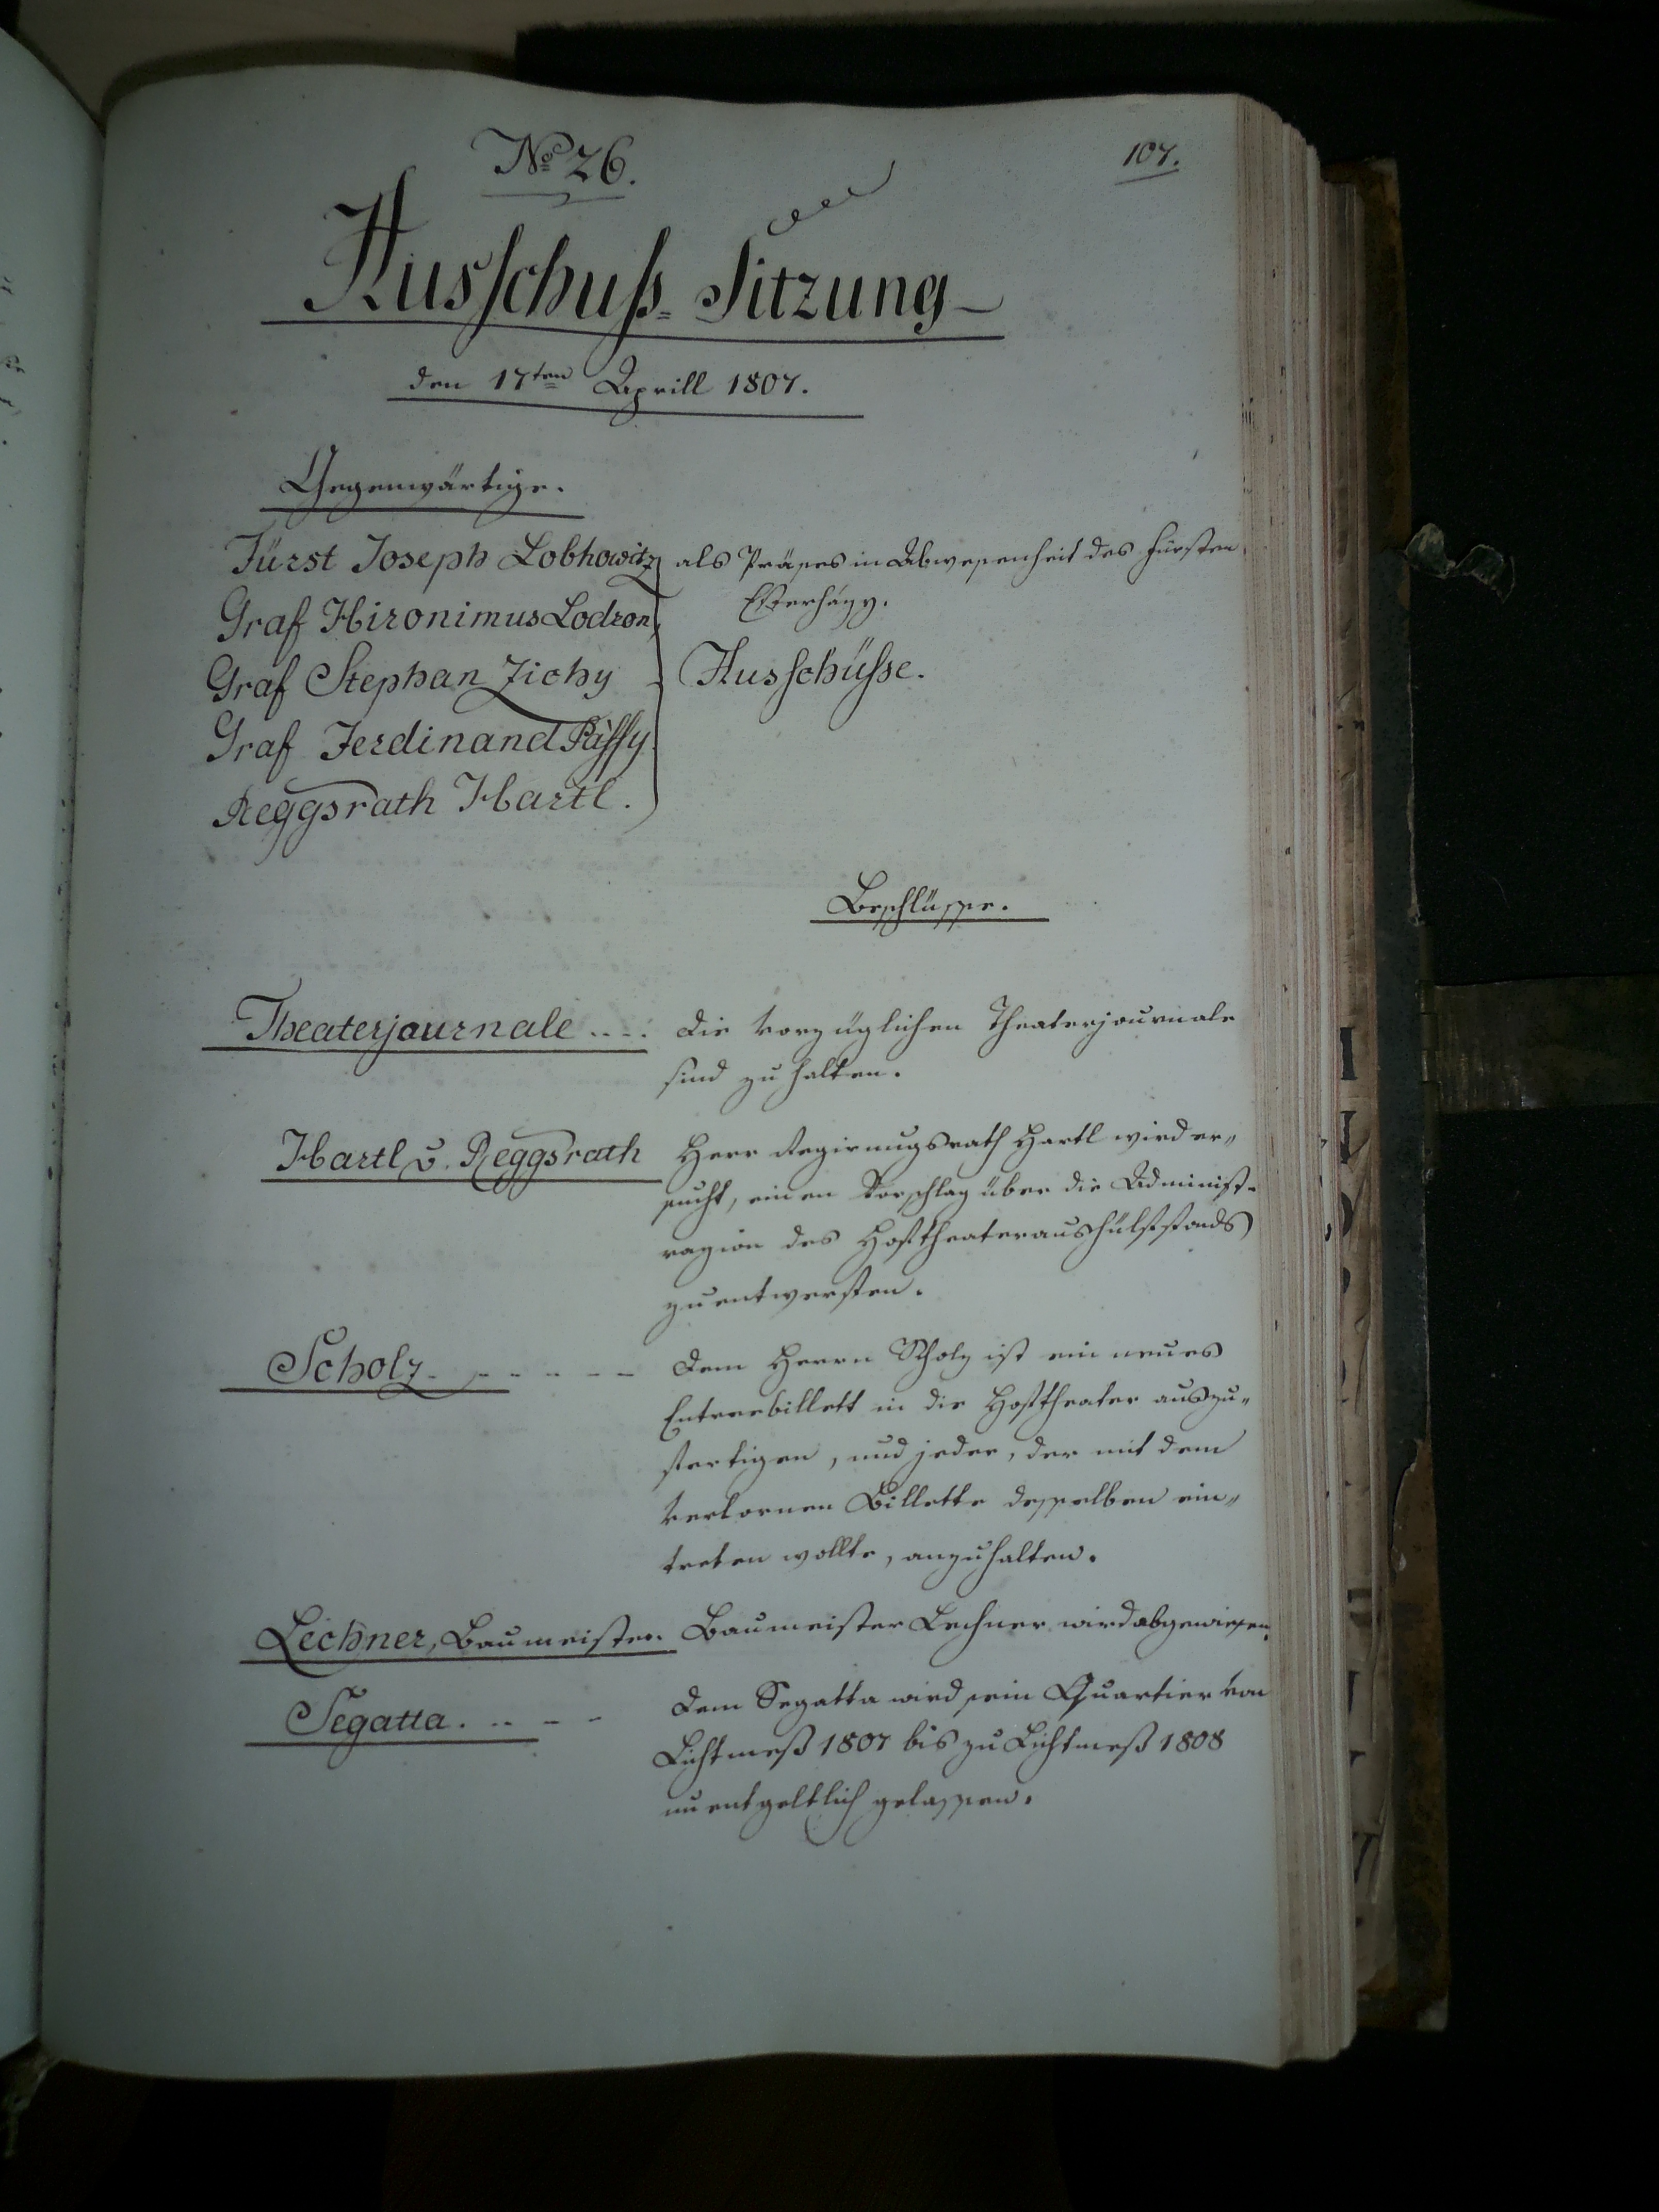107.
No͇ 26.
Ausschus‗Sitzung
den 17te͇n Aprill 1807.
Gegenwärtige.
Fürst Joseph Lobkowitz als Präses in Abwesenheit des Fürsten
Eserhàzy.
Graf Hironimus Lodron
Graf Stephan Zichy
Graf Ferdinand Pàffy
Reg͞gsrath Hartl
Ausschüsse.
Beschlüsse.
Theaterjournale . . . . Die vorzüglichen Theaterjournale
sind zu halten.
Hartl v.Reg͞gsrath Herr Regirungsrath Hartl wird er¬
sucht, einen Vorschlag über die Administ¬
razion des Hoftheateraushülffonds
zu entwerfen.
Scholz .. .. .. .. .. .. Dem Herrn Scholz ist ein neues
Entreebillett in die Hoftheater auszu¬
fertigen, und jeder, der mit dem
verlornen Billette desselben ein¬
treten wollte, anzuhalten.
Lechner, Baumeister Baumeister Lechner wird abgewiesen.
Segatta. .. .. .. Dem Segatta wird sein Quartier von
Lichtmeß 1807 bis zu Lichtmeß 1808
unentgeltlich gelassen.